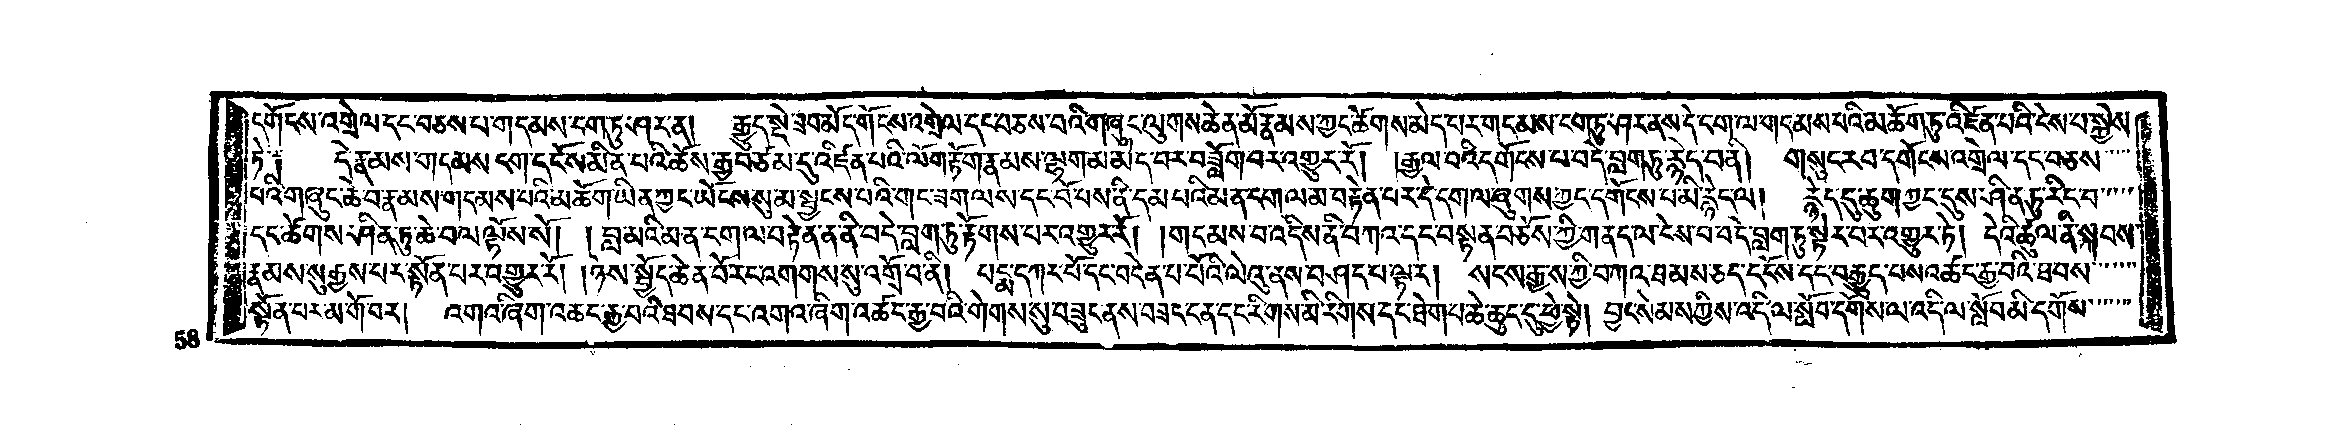དགོངས་འགྲེལ་དང་བཅས་པ་གདམས་ངག་ཏུ་ཤར་ན། རྒྱུད་སྡེ་ཟབ་མོ་དགོངས་འགྲེལ་དང་བཅས་པའི་གཞུང་ལུགས་ཆེན་མོ་རྣམས་ཀྱང་ཚེགས་མེད་པར་གདམས་ངག་ཏུ་ཤར་ནས་དེ་དག་ལ་གདམས་པའི་མཆོག་ཏུ་འཛིན་པའི་ངེས་པ་སྐྱེས་
ཏེ༑ དེ་རྣམས་གདམས་ངག་དངོས་མིན་པའི་ཆོས་རྒྱབ་ཙམ་དུ་འཛིན་པའི་ལོག་རྟོག་རྣམས་ལྷག་མ་མེད་པར་བཟློག་པར་འགྱུར་རོ། །རྒྱལ་བའི་དགོངས་པ་བདེ་བླག་ཏུ་རྙེད་པ་ནི། གསུང་རབ་དགོངས་འགྲེལ་དང་བཅས་
པའི་གཞུང་ཆེ་བ་རྣམས་གདམས་པའི་མཆོག་ཡིན་ཀྱང་ཡོངས་སུ་མ་སྦྱངས་པའི་གང་ཟག་ལས་དང་པོ་པས་ནི་དམ་པའི་མན་ངག་ལ་མ་བརྟེན་པར་དེ་དག་ལ་ཞུགས་ཀྱང་དགོངས་པ་མི་རྙེད་ལ། རྙེད་དུ་ཆུག་ཀྱང་དུས་ཤིན་ཏུ་རིང་བ་
དང་ཚེགས་ཤིན་ཏུ་ཆེ་བ་ལ་ལྟོས་སོ། །བླ་མའི་མན་ངག་ལ་བརྟེན་ན་ནི་བདེ་བླག་ཏུ་རྟོགས་པར་འགྱུར་རོ། །གདམས་པ་འདིས་ནི་བཀའ་དང་བསྟན་བཅོས་ཀྱི་གནད་ལ་ངེས་པ་བདེ་བླག་ཏུ་སྟེར་བར་འགྱུར་ཏེ། དེའི་ཚུལ་ནི་སྐབས་
རྣམས་སུ་རྒྱས་པར་སྟོན་པར་འགྱུར་རོ། །ཉེས་སྤྱོད་ཆེན་པོ་རང་འགགས་སུ་འགྲོ་བ་ནི། པདམ་དཀར་པོ་དང་བདེན་བ་པོའི་ལེའུ་ནས་བཤད་པ་ལྟར། སངས་རྒྱས་ཀྱི་བཀའ་ཐམས་ཅད་དངོས་དང་བརྒྱུད་པས་འཚང་རྒྱ་བའི་ཐབས་
སྟོན་པར་མ་གོ་བར། འགའ་ཞིག་འཚང་རྒྱ་བའི་ཐབས་དང་འགའ་ཞིག་འཚང་རྒྱ་བའི་གེགས་སུ་བཟུང་ནས་བཟང་ངན་དང་རིགས་མི་རིགས་དང་ཐེག་པ་ཆེ་ཆུང་དུ་ཕྱེ་སྟེ། བྱང་སེམས་ཀྱིས་འདི་ལ་སློབ་དགོས་ལ་འདི་ལ་སློབ་མི་དགོས་